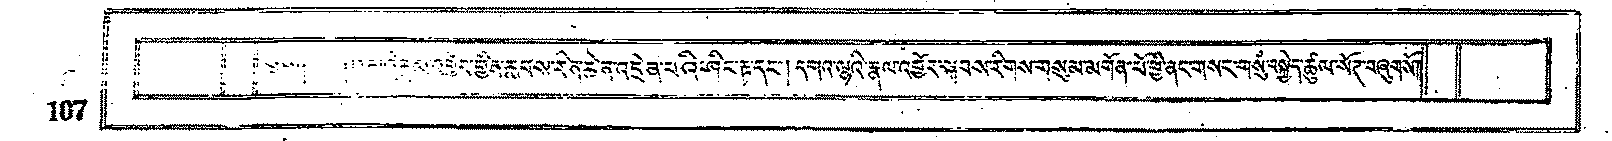༄༅། །བླ་མའི་རྣལ་འབྱོར་བྱིན་རླབས་རིན་ཆེན་འདྲེན་པའི་ཤིང་རྟ་དང་། དགའ་ལྷའི་རྣལ་འབྱོར་སྐབས་རིགས་གསུམ་མགོན་པོ་ཕྱི་ནང་གསང་གསུཾ་བསྐྱེད་ཚུལ་སོཊ་བཞུགས་སོ།།